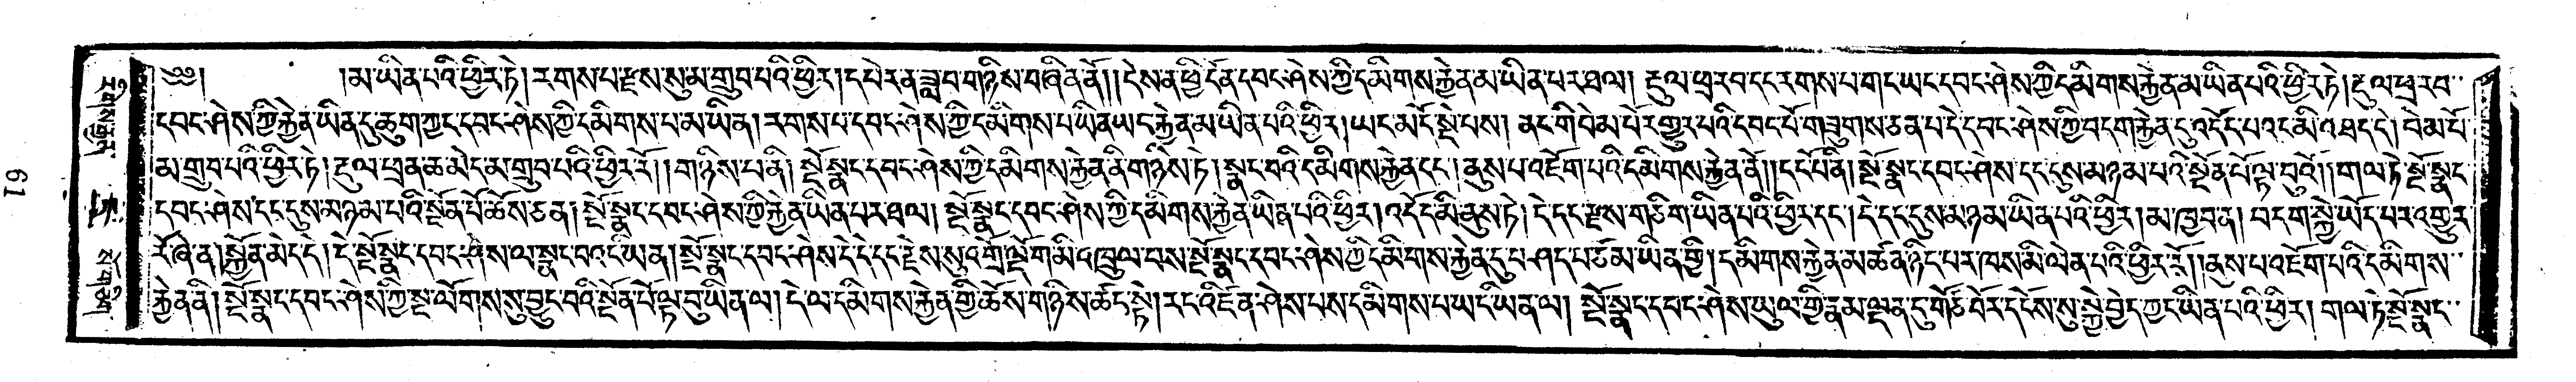༄༅། །མ་ཡིན་པའི་ཕྱིར་ཏེ། རིགས་པ་རྫས་སུ་མ་གྲུབ་པའི་ཕྱིར། དཔེར་ན་ཟླ་བ་གཉིས་བཞིན་ནོ། །དེས་ན་ཕྱི་དོན་དབང་ཤེས་ཀྱི་དམིགས་རྐྱེན་མ་ཡིན་པར་ཐལ། རྡུལ་ཕྲ་རབ་དང་རགས་པ་གང་ཡང་དབང་ཤེས་ཀྱི་དམིགས་རྐྱེན་མ་ཡིན་པའི་ཕྱིར་ཏེ། རྡུལ་ཕྲ་རབ་
དབང་ཤེས་ཀྱི་རྐྱེན་ཡིན་དུ་ཆུག་ཀྱང་དབང་ཤེས་ཀྱི་དམིགས་པ་མ་ཡིན། རགས་པ་དབང་ཤེས་ཀྱི་དམིགས་པ་ཡིན་ཡང་རྐྱེན་མ་ཡིན་པའི་ཕྱིར། ཡང་མདོ་སྡེ་པས། ནང་གི་བེམ་པོར་གྱུར་པའི་དབང་པོ་གཟུགས་ཅན་པ་དེ་དབང་ཤེས་ཀྱི་བདག་རྐྱེན་དུ་འདོད་པའང་མི་འཐད་དེ། བེམ་པོ་
མ་གྲུབ་པའི་ཕྱིར་ཏེ། རྡུལ་ཕྲན་ཆ་མེད་མ་གྲུབ་པའི་ཕྱིར་རོ། །གཉིས་པ་ནི། སྔོ་སྣང་དབང་ཤེས་ཀྱི་དམིགས་རྐྱེན་ནི་གཉིས་ཏེ། སྣང་བའི་དམིགས་རྐྱེན་དང་། ནུས་པ་འཇོག་པའི་དམིགས་རྐྱེན་ནོ། །དང་པོ་ནི། སྔོ་སྣང་དབང་ཤེས་དང་དུས་མཉམ་པའི་སྔོན་པོ་ལྟ་བུའོ། །གལ་ཏེ་སྔོ་སྣང་
དབང་ཤེས་དང་དུས་མཉམ་པའི་སྔོན་པོ་ཆོས་ཅན། སྔོ་སྣང་དབང་ཤེས་ཀྱི་རྐྱེན་ཡིན་པར་ཐལ། སྔོ་སྣང་དབང་ཤེས་ཀྱི་དམིགས་རྐྱེན་ཡིན་པའི་ཕྱིར། འདོད་མི་ནུས་ཏེ། དེ་དང་རྫས་གཅིག་ཡིན་པའི་ཕྱིར་དང་། དེ་དང་དུས་མཉམ་ཡིན་པའི་ཕྱིར། མ་ཁྱབ་ན། བདག་སྐྱེ་ཡོད་པར་འགྱུར་
རོ་ཞེ་ན། སྐྱོན་མེད་དེ། དེ་སྔོ་སྣང་དབང་ཤེས་ལ་སྣང་བའང་ཡིན། སྔོ་སྣང་དབང་ཤེས་དེ་དེ་དང་རྗེས་སུ་འགྲོ་ལྡོག་མི་འཁྲུལ་བས་སྔོ་སྣང་དབང་ཤེས་ཀྱི་དམིགས་རྐྱེན་དུ་བཤད་པ་ཙམ་ཡིན་གྱི། དམིགས་རྐྱེན་མཚན་ཉིད་པར་ཁས་མི་ལེན་པའི་ཕྱིར་རོ། །ནུས་པ་འཇོག་པའི་དམིགས་
རྐྱེན་ནི། སྔོ་སྣང་དབང་ཤེས་ཀྱི་སྔ་ལོགས་སུ་བྱུང་བའི་སྔོན་པོ་ལྟ་བུ་ཡིན་ལ། དེ་ལ་དམིགས་རྐྱེན་གྱི་ཆོས་གཉིས་ཚང་སྟེ། རང་འཛིན་ཤེས་པས་དམིགས་པ་ཡང་ཡིན་ལ། སྔོ་སྣང་དབང་ཤེས་ཡུལ་གྱི་རྣམ་ལྡན་དུ་གཙོ་བོར་དངོས་སུ་སྐྱེ་བྱེད་ཀྱང་ཡིན་པའི་ཕྱིར། གལ་ཏེ་སྔོ་སྣང་